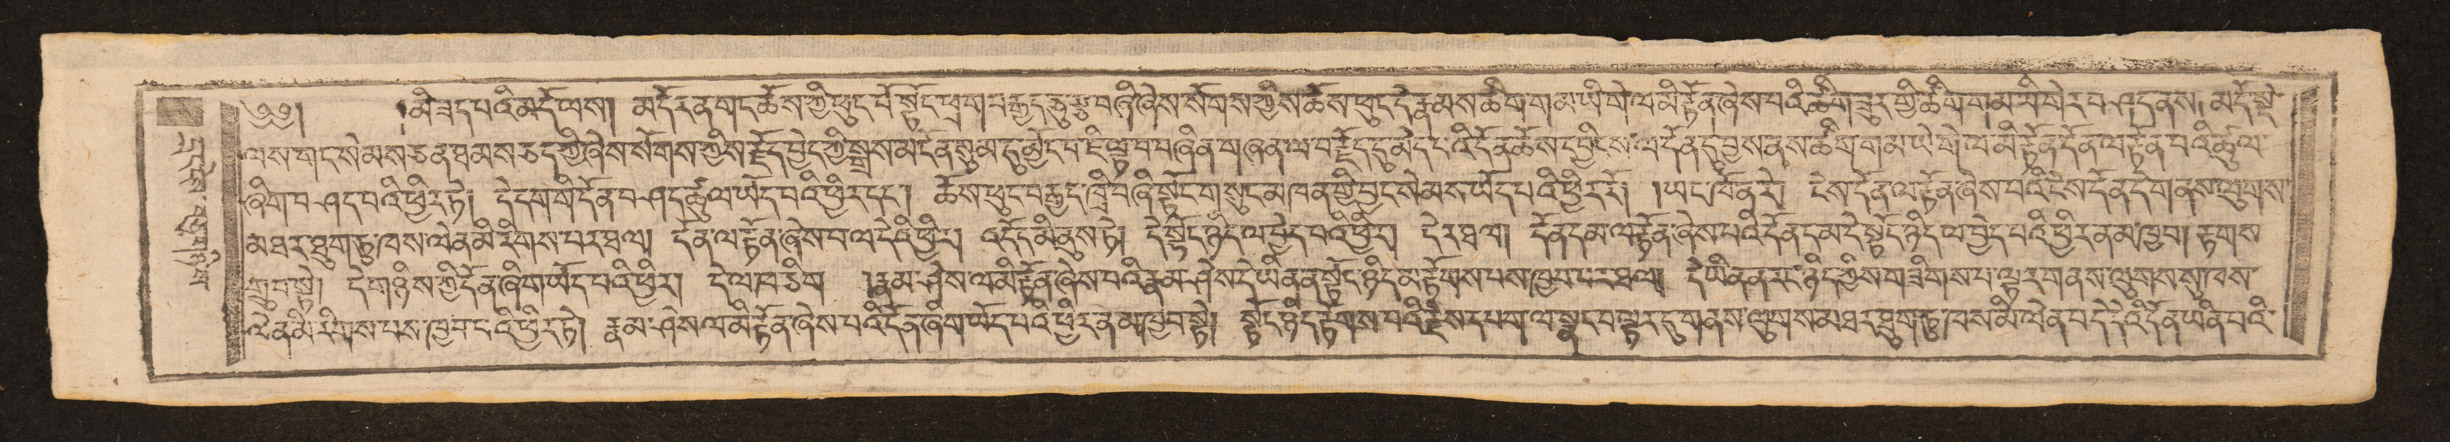༄༅། །མི་ཟད་པའི་མདོ་ལས། མདོར་ན་གང་ཆོས་ཀྱི་ཕུང་པོ་སྟོང་ཕྲག་བརྒྱད་ཅུ་རྩ་བཞི་ཞེས་སོགས་ཀྱིས་ཆོས་ཕུང་དེ་རྣམས་ཚིག་གམ་ཡི་གེ་ལ་མི་རྟོན་ཞེས་པའི་ཚིག་ཟུར་གྱི་ཚིག་གམ་ཡི་གེར་བཤད་ནས། མདོ་སྡེ་
ལས་གང་སེམས་ཅན་ཐམས་ཅད་ཀྱི་ཞེས་སོགས་ཀྱིས་རྗོད་བྱེད་ཀྱི་སྒྲས་མངོན་སུམ་དུ་མྱོང་བ་ཇི་ལྟ་བ་བཞིན་གཞན་ལ་བརྗོད་དུ་མེད་པའི་དོན་ཆོས་དབྱིངས་ལ་དོན་དུ་བྱས་ནས་ཚིག་གམ་ཡི་གེ་ལ་མི་རྟོན་དོན་ལ་རྟོན་པའི་ཚུལ་
ཞིག་བཤད་པའི་ཕྱིར་ཏེ། དེ་དག་གི་དོན་བཤད་ཚུལ་ཡོད་པའི་ཕྱིར་དང་། ཆོས་ཕུང་བརྒྱད་ཁྲི་བཞི་སྟོང་གསུང་མཁན་གྱི་བྱང་སེམས་ཡོད་པའི་ཕྱིར་རོ། །ཡང་ཁོ་ན་རེ། ངེས་དོན་ལ་རྟོན་ཞེས་པའི་ངེས་དོན་དེ་གནས་ལུགས་
མཐར་ཐུག་ཏུ་ཁས་ལེན་མི་རིགས་པར་ཐལ། དོན་ལ་རྟོན་ཞེས་པ་ལ་དེའི་ཕྱིར། འདོད་མི་ནུས་ཏེ། དེ་སྟོང་ཉིད་ལ་བྱེད་པའི་ཕྱིར། དེར་ཐལ། དོན་དམ་ལ་རྟོན་ཞེས་པའི་དོན་དམ་དེ་སྟོང་ཉིད་ལ་བྱེད་པའི་ཕྱིར་ན་མ་ཁྱབ། རྟགས་
གྲུབ་སྟེ། དེ་གཉིས་ཀྱི་དོན་ཞིག་ཡོད་པའི་ཕྱིར། དེ་ལ་ཁ་ཅིག །རྣམ་ཤེས་ལ་མི་རྟོན་ཞེས་པའི་རྣམ་ཤེས་དེ་ཡིན་ན་སྟོང་ཉིད་མ་རྟོགས་པས་ཁྱབ་པར་ཐལ། དེ་ཡིན་ན་རང་ཉིད་ཀྱིས་གཟིགས་པ་ལྟར་གནས་ལུགས་སུ་ལས་
ལེན་མི་རིགས་པས་ཁྱབ་པའི་ཕྱིར་ཏེ། རྣམ་ཤེས་ལ་མི་རྟོན་ཞེས་པའི་དོན་ཞིག་ཡོད་པའི་ཕྱིར་ན་མ་ཁྱབ་སྟེ། སྟོང་ཉིད་རྟོགས་པའི་རྗེས་དཔག་ལ་སྣང་བ་ལྟར་དུ་གནས་ལུགས་མཐར་ཐུག་ཏུ་ཁས་མི་ལེན་པ་དེ་དེའི་དོན་ཡིན་པའི་